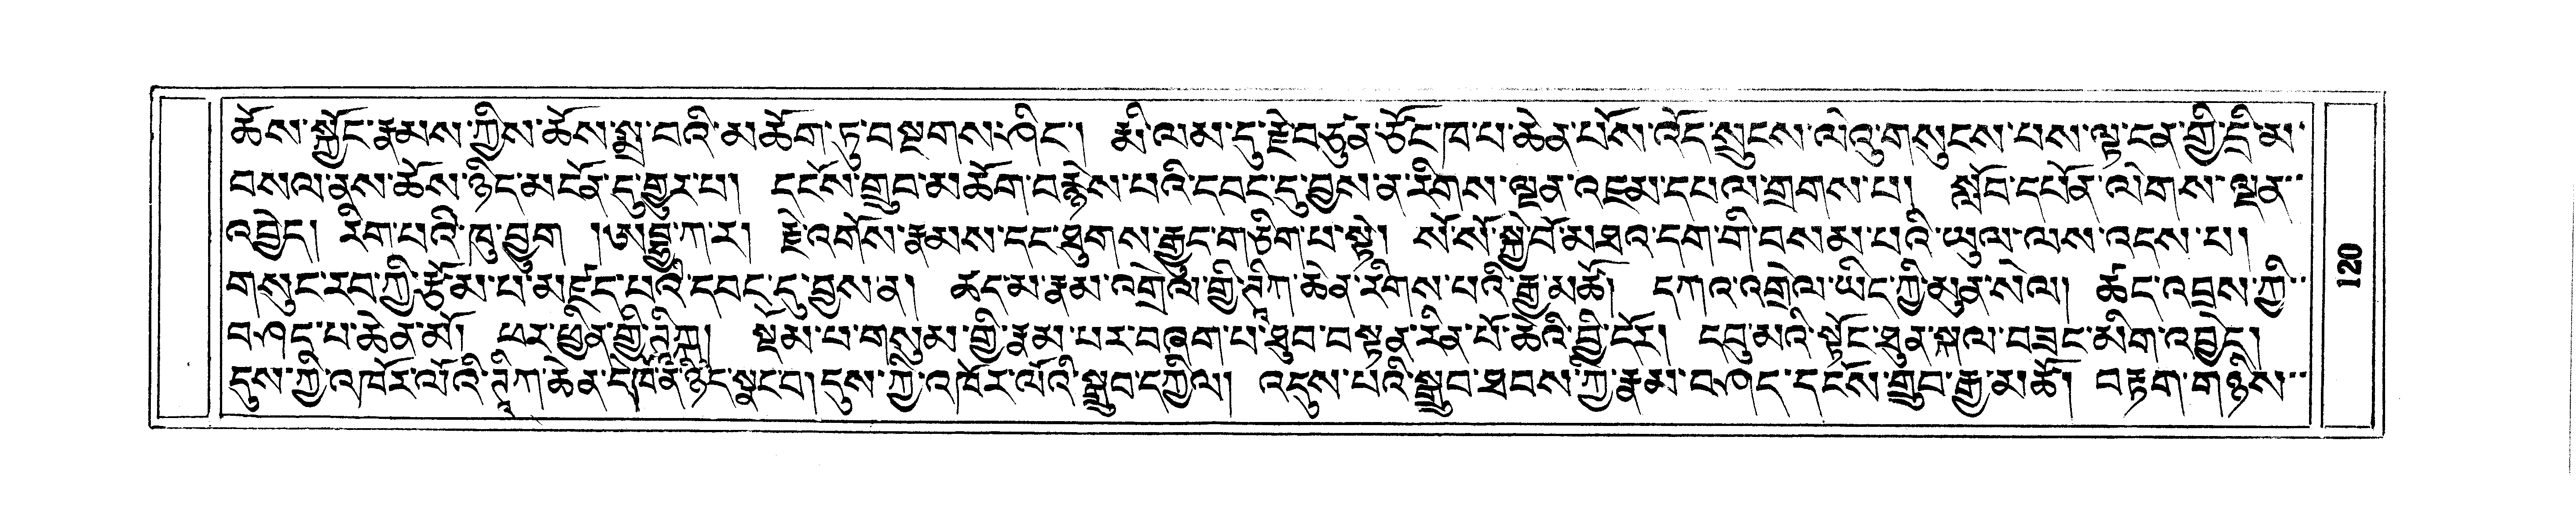ཆོས་སྐྱོང་རྣམས་ཀྱིས་ཆོས་སྨྲ་བའི་མཆོག་ཏུ་བསྔགས་ཤིང་། རྨི་ལམ་དུ་རྗེ་བཙུན་ཙོང་ཁ་པ་ཆེན་པོས་འོད་སྲུངས་ལེའུ་གསུངས་པས་ལྟ་ངན་གྱི་དྲི་མ་
བསལ་ནས་ཆོས་ཉིད་མངོན་དུ་གྱུར་པ། དངོས་གྲུབ་མཆོག་བརྙེས་པའི་དབང་དུ་བྱས་ན་རིགས་ལྡན་འཇམ་དཔལ་གྲགས་པ། སློབ་དཔོན་ལེགས་ལྡན་
འབྱེད། རིག་པའི་ཁུ་བྱུག །ཨབྱ་ཀ་ར། རྗེ་འགོས་རྣམས་དང་ཐུགས་རྒྱུད་གཅིག་པ་སྟེ། སོ་སོ་སྐྱེ་བོ་མཐའ་དག་གི་བསམ་པའི་ཡུལ་ལས་འདས་པ།
གསུང་རབ་ཀྱི་རྩོམ་པ་མཛད་པའི་དབང་དུ་བྱས་ན། ཚད་མ་རྣམ་འགྲེལ་གྱི་ཊཱིཀ་ཆེན་རིགས་པའི་རྒྱ་མཚོ། དཀའ་འགྲེལ་ཡིད་ཀྱི་མུན་སེལ། ཚད་འབྲས་ཀྱི་
བཤད་པ་ཆེན་མོ། ཕར་ཕྱིན་གྱི་ཊཱིཀྐ། སྡོམ་པ་གསུམ་གྱི་རྣམ་པར་བཞག་པ་ཐུབ་བསྟན་རིན་པོ་ཆེའི་བྱི་དོར། དབུ་མའི་སྟོང་ཐུན་སྐལ་བཟང་མིག་འབྱེད།
དུས་ཀྱི་འཁོར་ལོའི་ཊཱིཀྐ་ཆེན་དེ་ཁོ་ན་ཉིད་སྣང་བ། དུས་ཀྱི་འཁོར་ལོའི་སྒྲུབ་དཀྱིལ། འདུས་པའི་སྒྲུབ་ཐབས་ཀྱི་རྣམ་བཤད་དངོས་གྲུབ་རྒྱ་མཚོ། བརྟག་གཉིས་